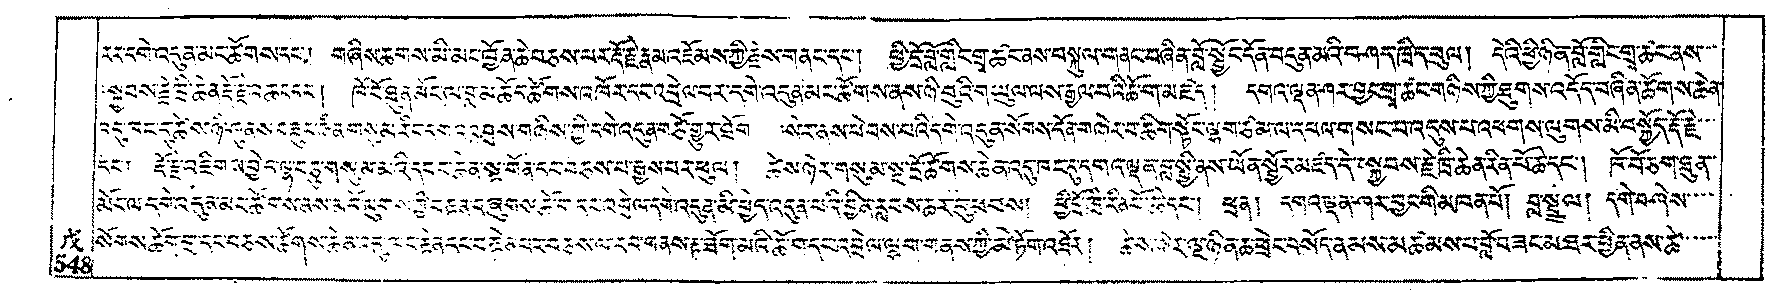རར་དགེ་འདུན་མང་ཚོགས་དང་། གཞིས་ཆགས་མི་མང་ཁྱོན་ཆེ་བཅས་པར་རྡོ་རྗེ་རྣམ་འཇོམས་ཀྱི་རྗེས་གནང་དང་། ཕྱི་དྲོ་བློ་གླིང་གྲྭ་ཚང་ནས་བསྐུལ་གནང་བཞིན་བློ་སྦྱོང་དོན་བདུན་མའི་བཤད་ཁྲིད་ཕུལ། དེའི་ཕྱི་ཉིན་བློ་གླིང་གྲྭ་ཚང་ནས་
༧སྐྱབས་རྗེ་ཁྲི་ཆེན་རྡོ་རྗེ་འཆང་དང་། ཁོ་བོ་ཐུན་མོང་ལ་བླ་མཆོད་ཚོགས་འཁོར་དང་འབྲེལ་བར་དགེ་འདུན་མང་ཚོགས་ནས་ཉི་བུའི་གཡུལ་ལས་རྒྱལ་བའི་ཆོ་ག་མཛད། དགའ་ལྡན་ཤར་བྱང་གྲྭ་ཚང་གཉིས་ཀྱི་ཐུགས་འདོད་བཞིན་ཚོགས་ཆེན་
འདུ་ཁང་དུ་ཚེས་ཉི་ཤུ་ནས་བཟུང་ཉིན་གསུམ་རིང་དགའ་འབྲས་གཉིས་ཀྱི་དགེ་འདུན་གཙོ་གྱུར་ཐོག །སེ་ར་ནས་ཕེབས་པའི་དགེ་འདུན་སོགས་དོན་གཉེར་བ་ཆིག་སྟོང་ལྷག་ཙམ་ལ་དཔལ་གསང་བ་འདུས་པ་འཕགས་ལུགས་མི་བསྐྱོད་རྡོ་རྗེ་
དང་། རྡོ་རྗེ་འཇིགས་བྱེད་ལྷ་བཅུ་གསུམ་མའི་དབང་ཆེན་སྟ་གོན་དང་བཅས་པ་རྒྱས་པར་ཕུལ། ཚེས་ཉེར་གསུམ་སྔ་དྲོ་ཚོགས་ཆེན་འདུ་ཁང་དུ་དགའ་ལྡན་བླ་སྤྱི་ནས་ཡོན་སྦྱོར་མཛད་དེ་༧སྐྱབས་རྗེ་ཁྲི་ཆེན་རིན་པོ་ཆེ་དང་། ཁོ་བོ་ཅག་ཐུན་
མོང་ལ་དགེ་འདུན་མང་ཚོགས་ནས་མདོ་ལུགས་ཀྱི་བརྟན་བཞུགས་ཆོ་ག་དང་འབྲེལ་དགེ་འདུན་མི་ཕྱེད་འདུན་པའི་བྱིན་རླབས་ཆར་དུ་ཕབས། ཕྱི་དྲོ་ཁྲི་རིན་པོ་ཆེ་དང་། ཕྲན། དགའ་ལྡན་ཤར་བྱང་གི་མཁན་པོ། བླ་སྤྲུལ། དགེ་བཤེས་
སོགས་ཆོག་གྲ་དང་བཅས་ཚོགས་ཆེན་འདུ་ཁང་རྟེན་དང་བརྟེན་པར་བཅས་ལ་རབ་གནས་རྟ་ཐོག་མའི་ཆོ་ག་དང་འབྲེལ་ལྷག་གནས་ཀྱི་མེ་ཏོག་འཐོར། ཚེས་ཉེར་ལྔ་ཉིན་ཆ་ཕྲེང་བསོད་ནམས་མཚམས་པ་བློ་བཟང་མཐར་ཕྱིན་ནས་ཚེ་